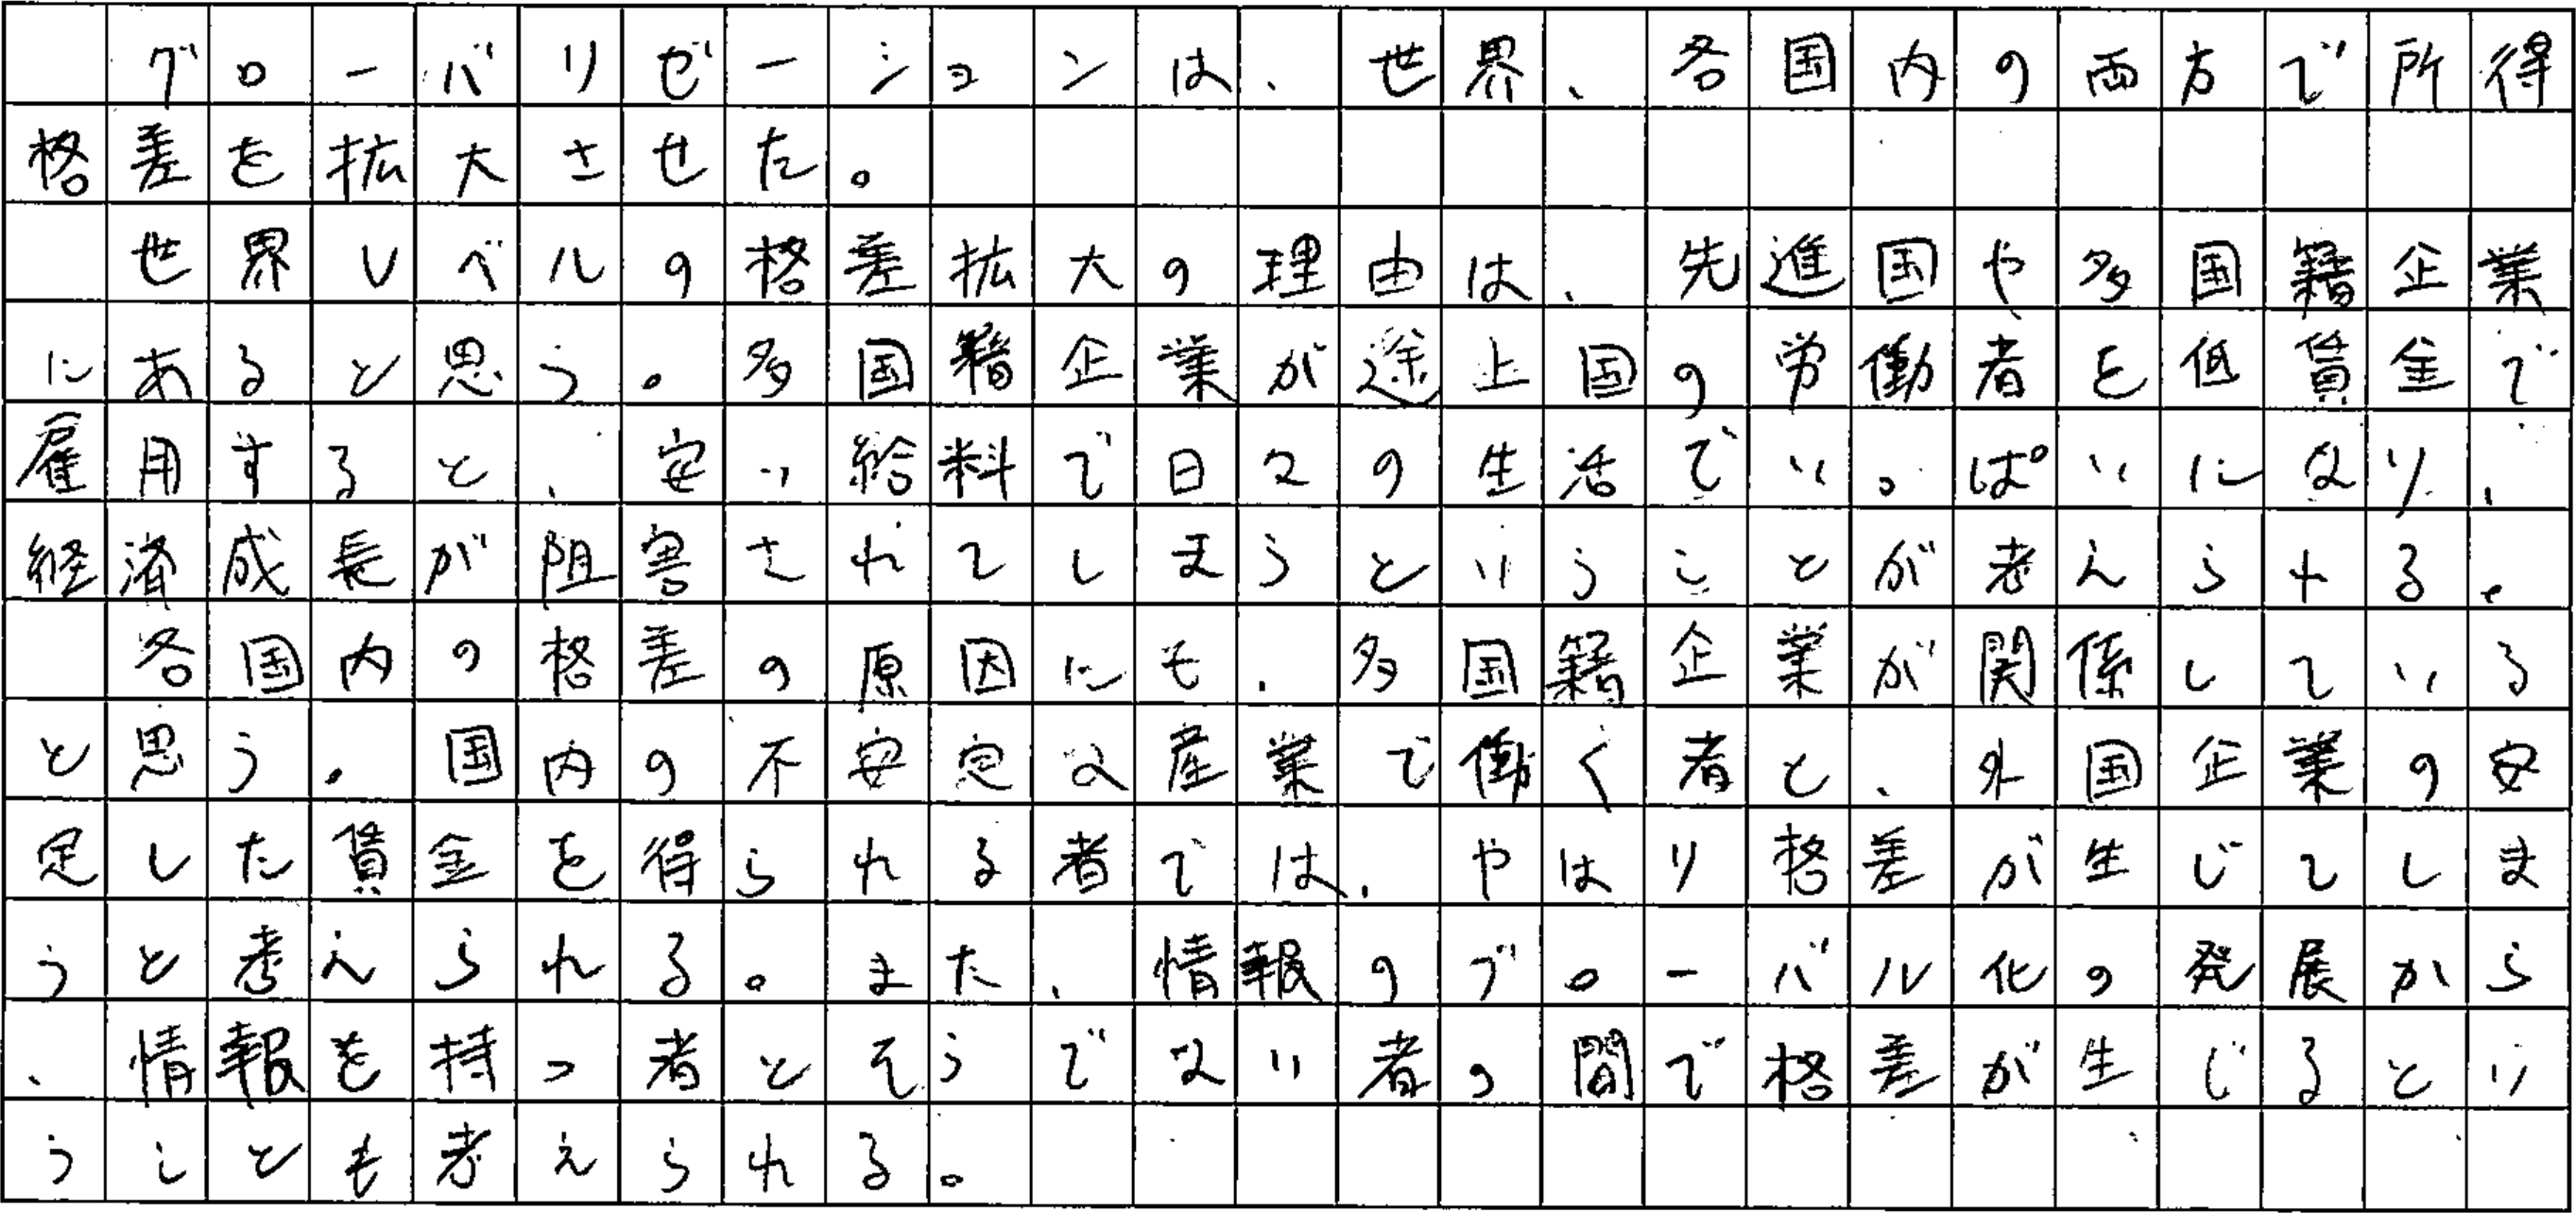　グローバリゼーションは、世界、各国内の両方で所得格差を拡大させた。
　世界レベルの格差拡大の理由は、先進国や多国籍企業にあると思う。多国籍企業が途上国の労働者を低賃金で雇用すると、安い給料で日々の生活でいっぱいになり、経済成長が阻害されてしまうということが考えられる。
　各国内の格差の原因にも、多国籍企業が関係していると思う。国内の不安定な産業で働く者と、外国企業の安定した賃金を得られる者では、やはり格差が生じてしまうと考えられる。また、情報のグローバル化の発展から、情報を持つ者とそうでない者の間で格差が生じるということも考えられる。
